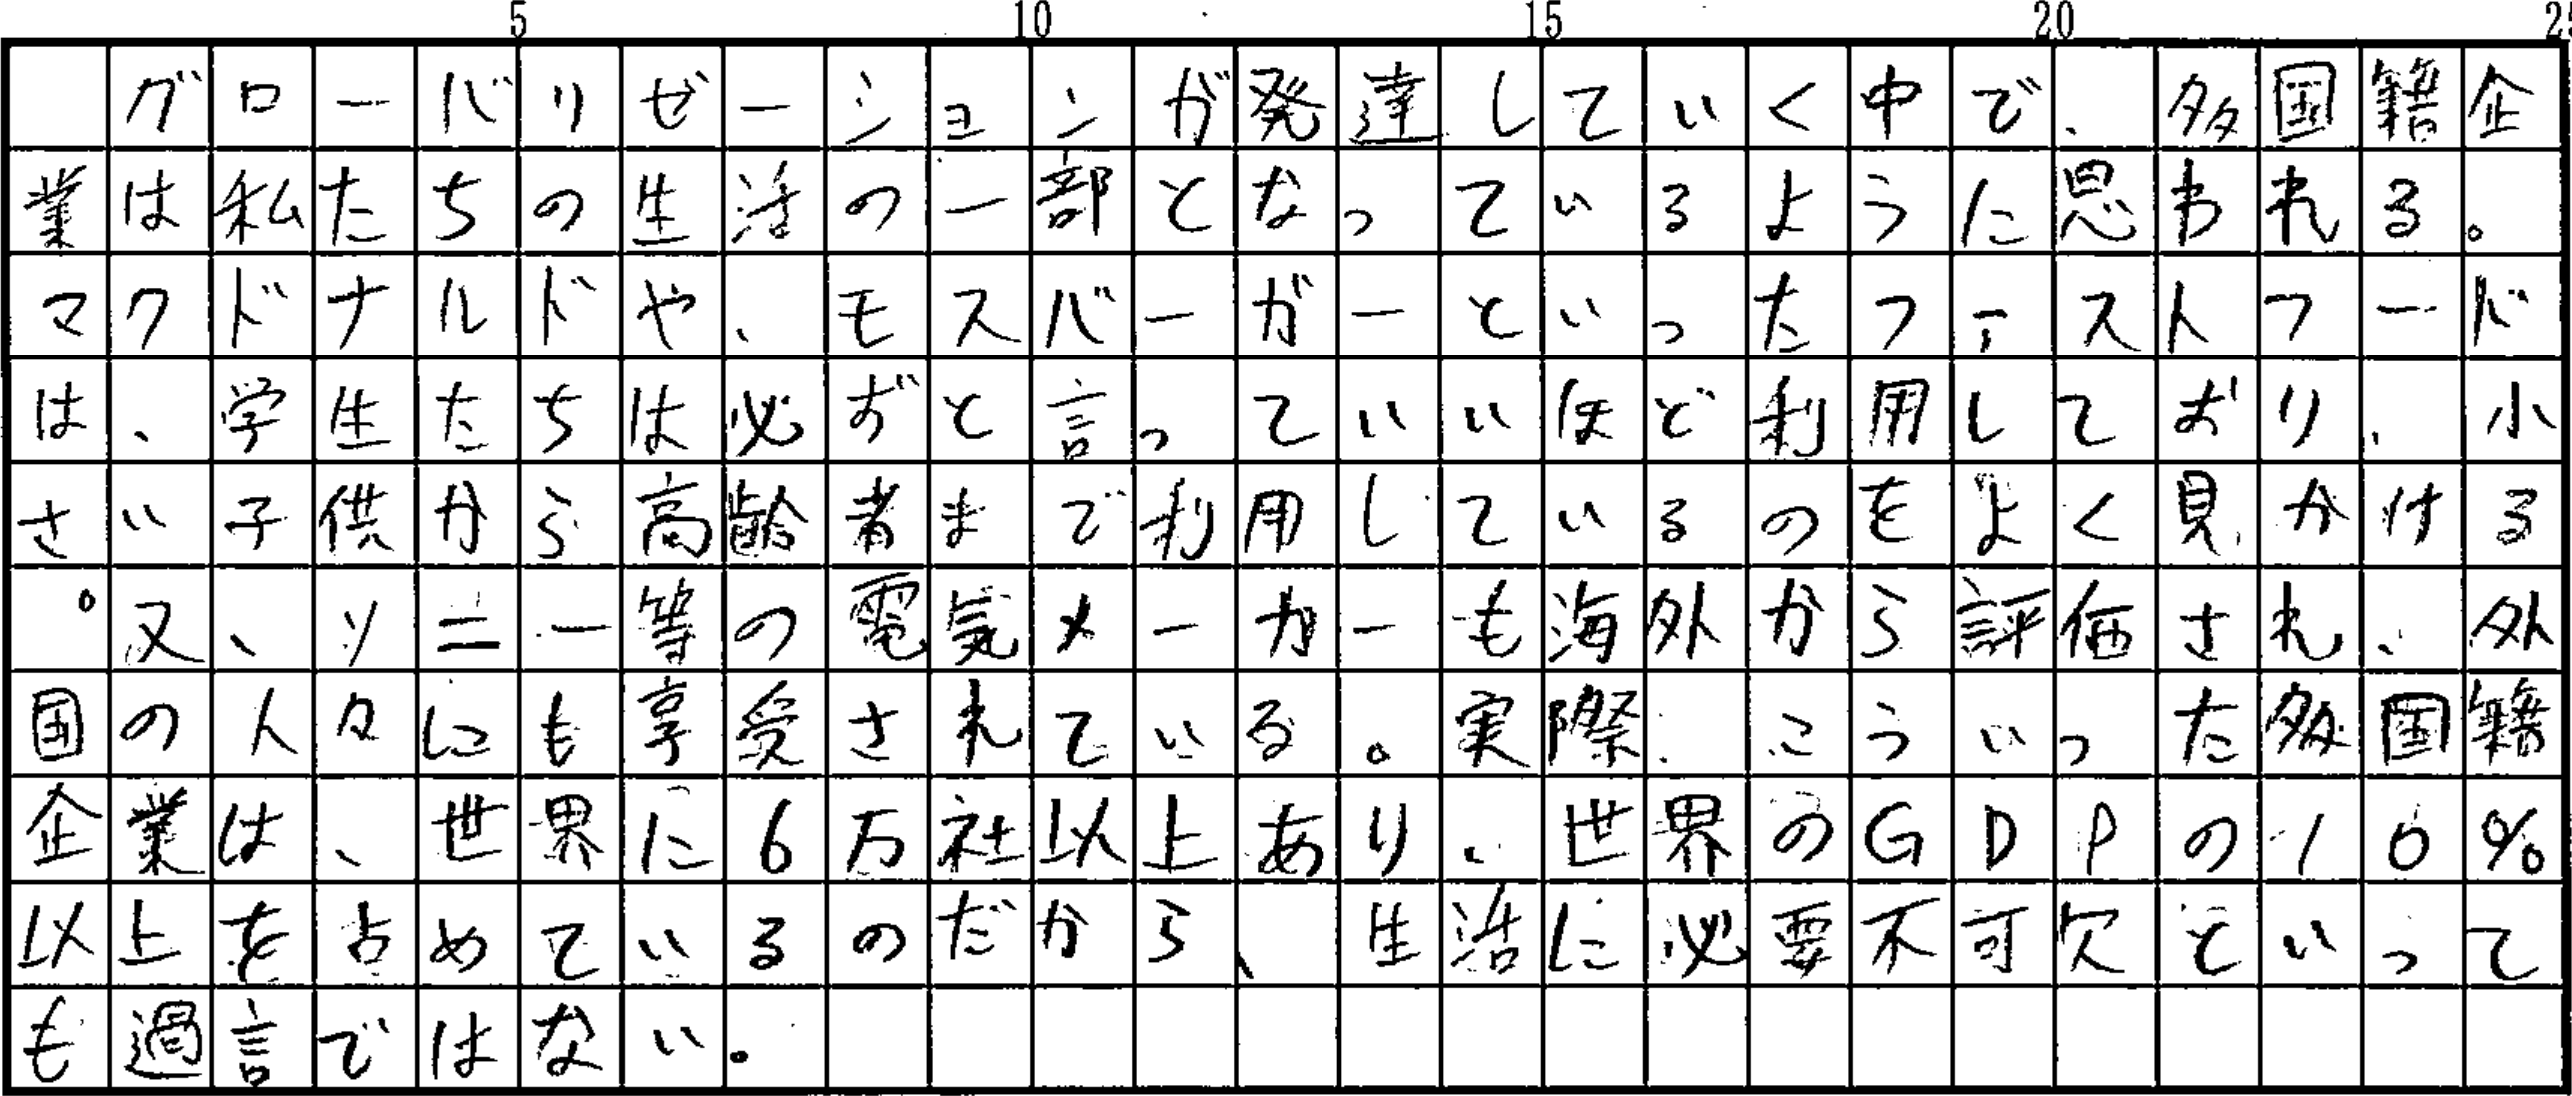　グローバリゼーションが発達していく中で、多国籍企業は私たちの生活の一部となっているように思われる。マクドナルドや、モスバーガーといったファストフードは、学生たちは必ずと言っていいほど利用しており、小さい子供から高齢者まで利用しているのをよく見かける。又、ソニー等の電気メーカーも海外から評価され、外国の人々にも享受されている。実際、こういった多国籍企業は、世界に６万社以上あり、世界のGDPの１０％以上を占めているのだから、生活に必要不可欠といっても過言ではない。
